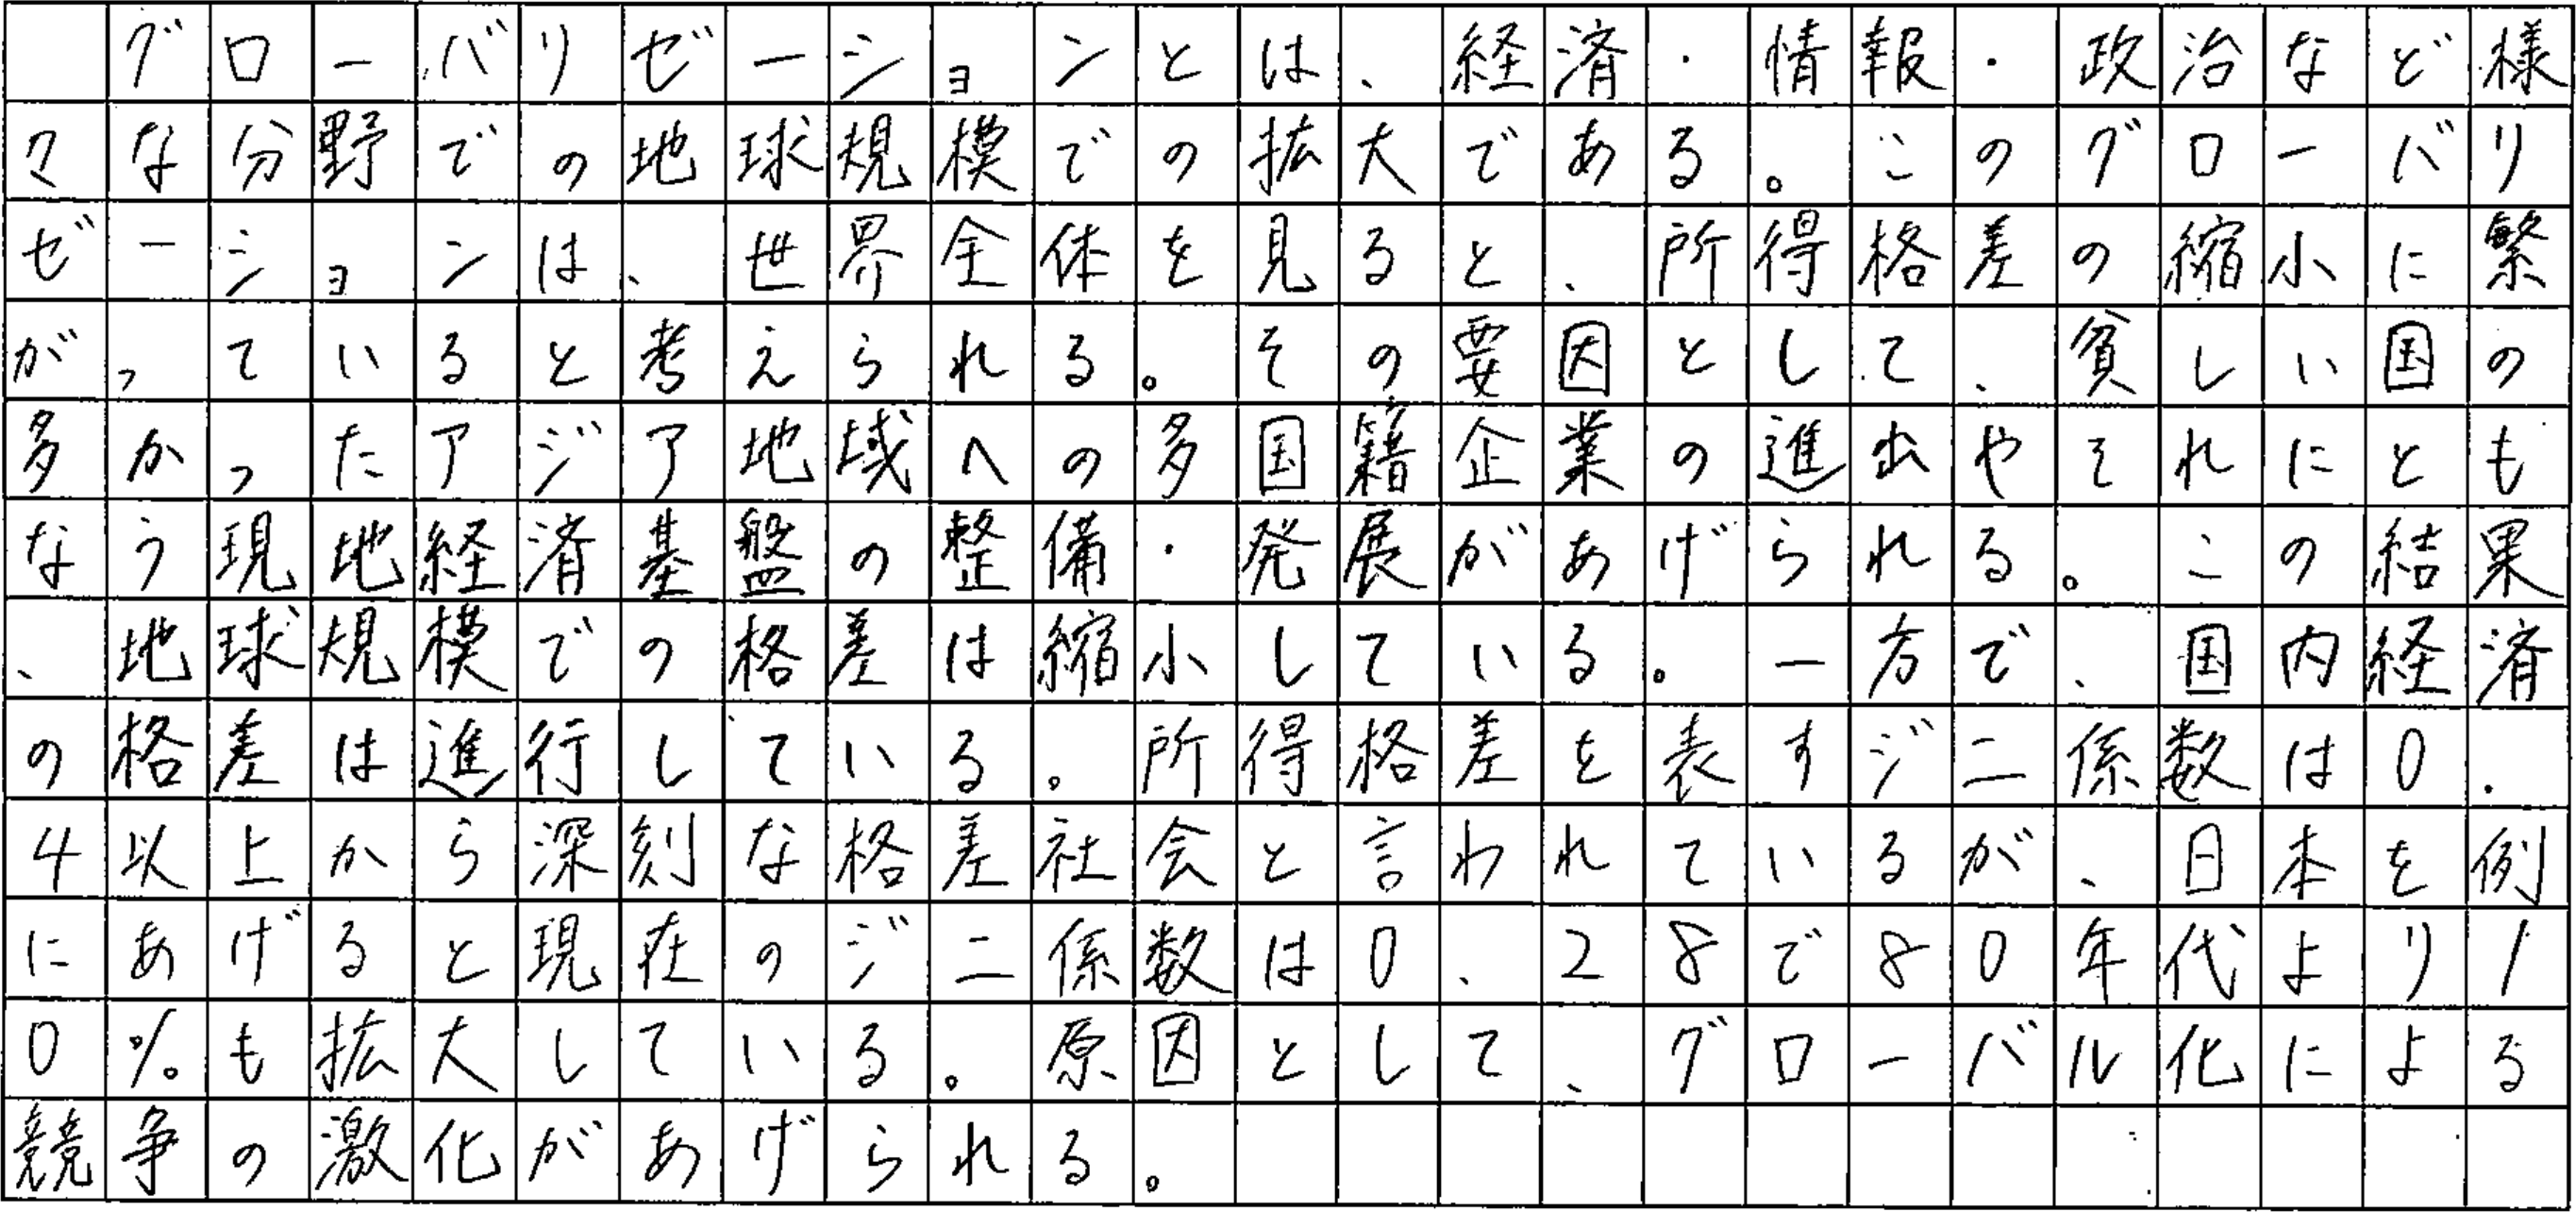　グローバリゼーションとは、経済・情報・政治など様々な分野での地球規模での拡大である。このグローバリゼーションは、世界全体を見ると、所得格差の縮小に繁がっていると考えられる。その要因として、貧しい国の多かったアジア地域への多国籍企業の進出やそれにともなう現地経済基盤の整備・発展があげられる。この結果、地球規模での格差は縮小している。一方で、国内経済の格差は進行している。所得格差を表すジニ係数は０．４以上から深刻な格差社会と言われているが、日本を例にあげると現在のジニ係数は０．２８で８０年代より１０％も拡大している。原因として、グローバル化による競争の激化があげられる。
